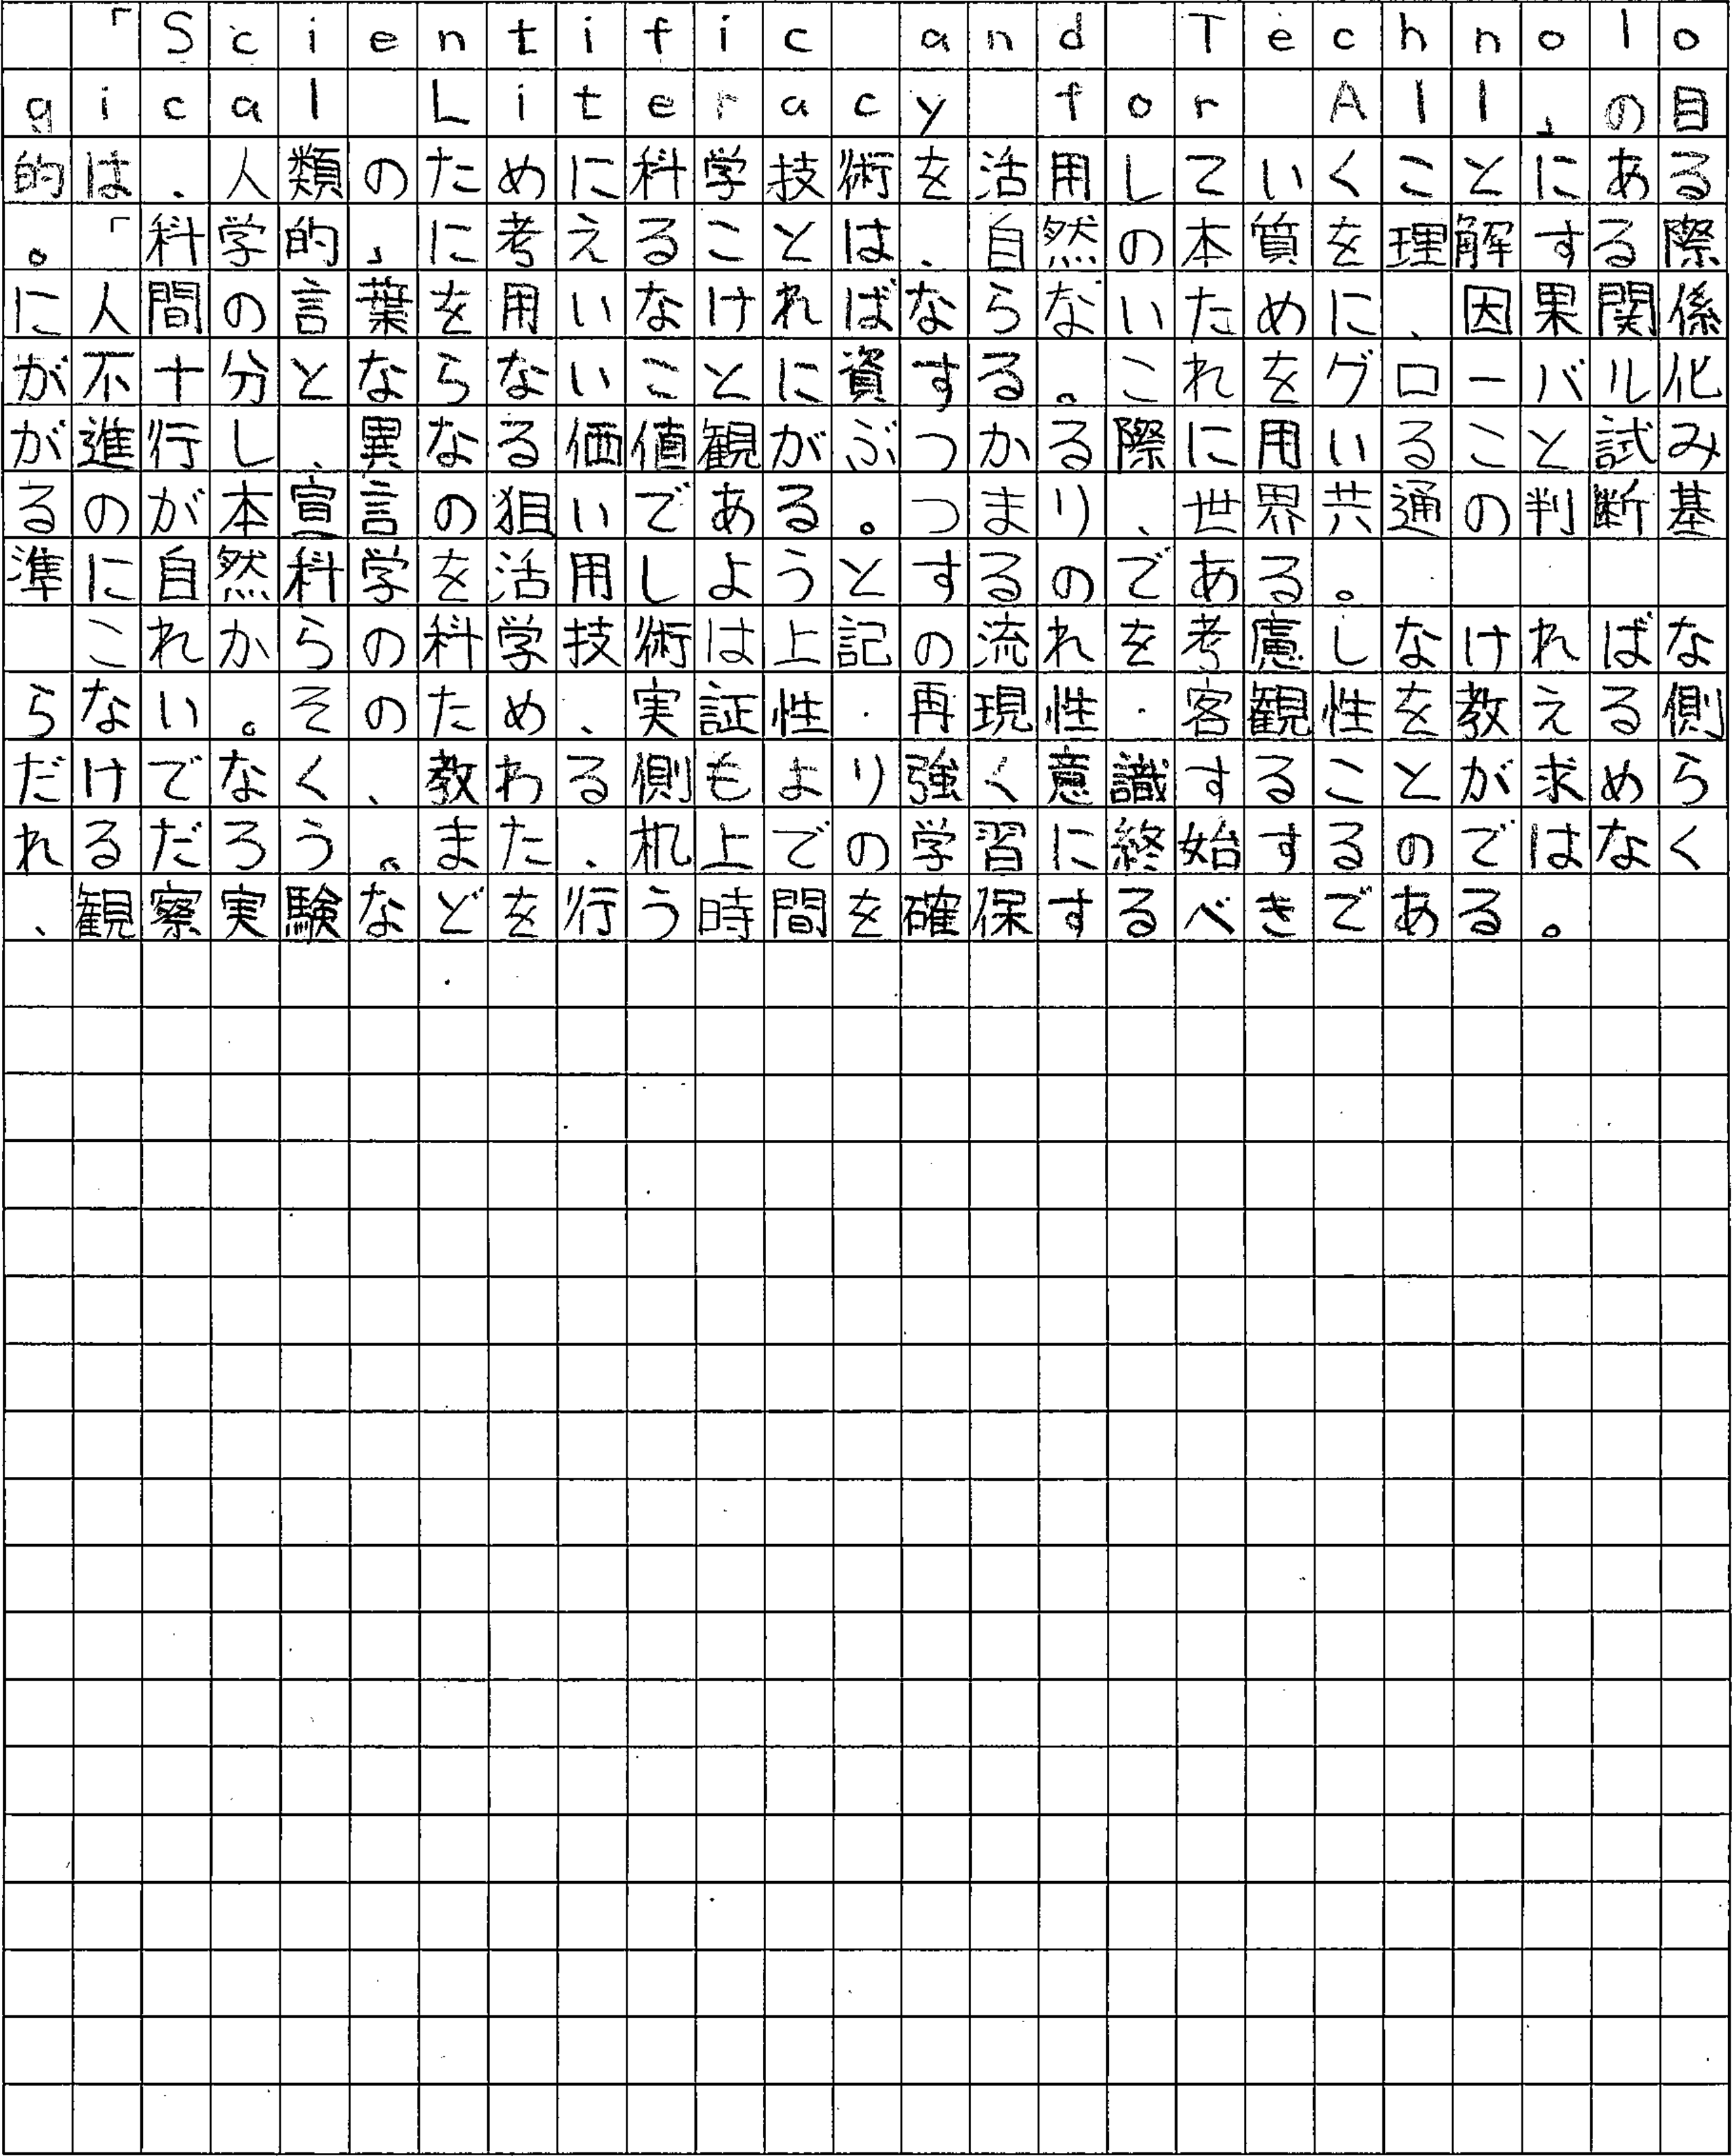　「Ｓｃｉｅｎｔｉｆｉｃ　ａｎｄ　Ｔｅｃｈｎｏｌｏｇｉｃａｌ　Ｌｉｔｅｒａｃｙ　ｆｏｒ　Ａｌｌ」の目的は、人類のために科学技術を活用していくことにある。「科学的」に考えることは、自然の本質を理解する際に人間の言葉を用いなければならないために、因果関係が不十分とならないことに資する。これをグローバル化が進行し、異なる価値観がぶつかる際に用いること試みるのが本宣言の狙いである。つまり、世界共通の判断基準に自然科学を活用しようとするのである。
　これからの科学技術は上記の流れを考慮しなければならない。そのため、実証性・再現性・客観性を教える側だけでなく、教わる側もより強く意識することが求められるだろう。また、机上での学習に終始するのではなく、観察実験などを行う時間を確保するべきである。
